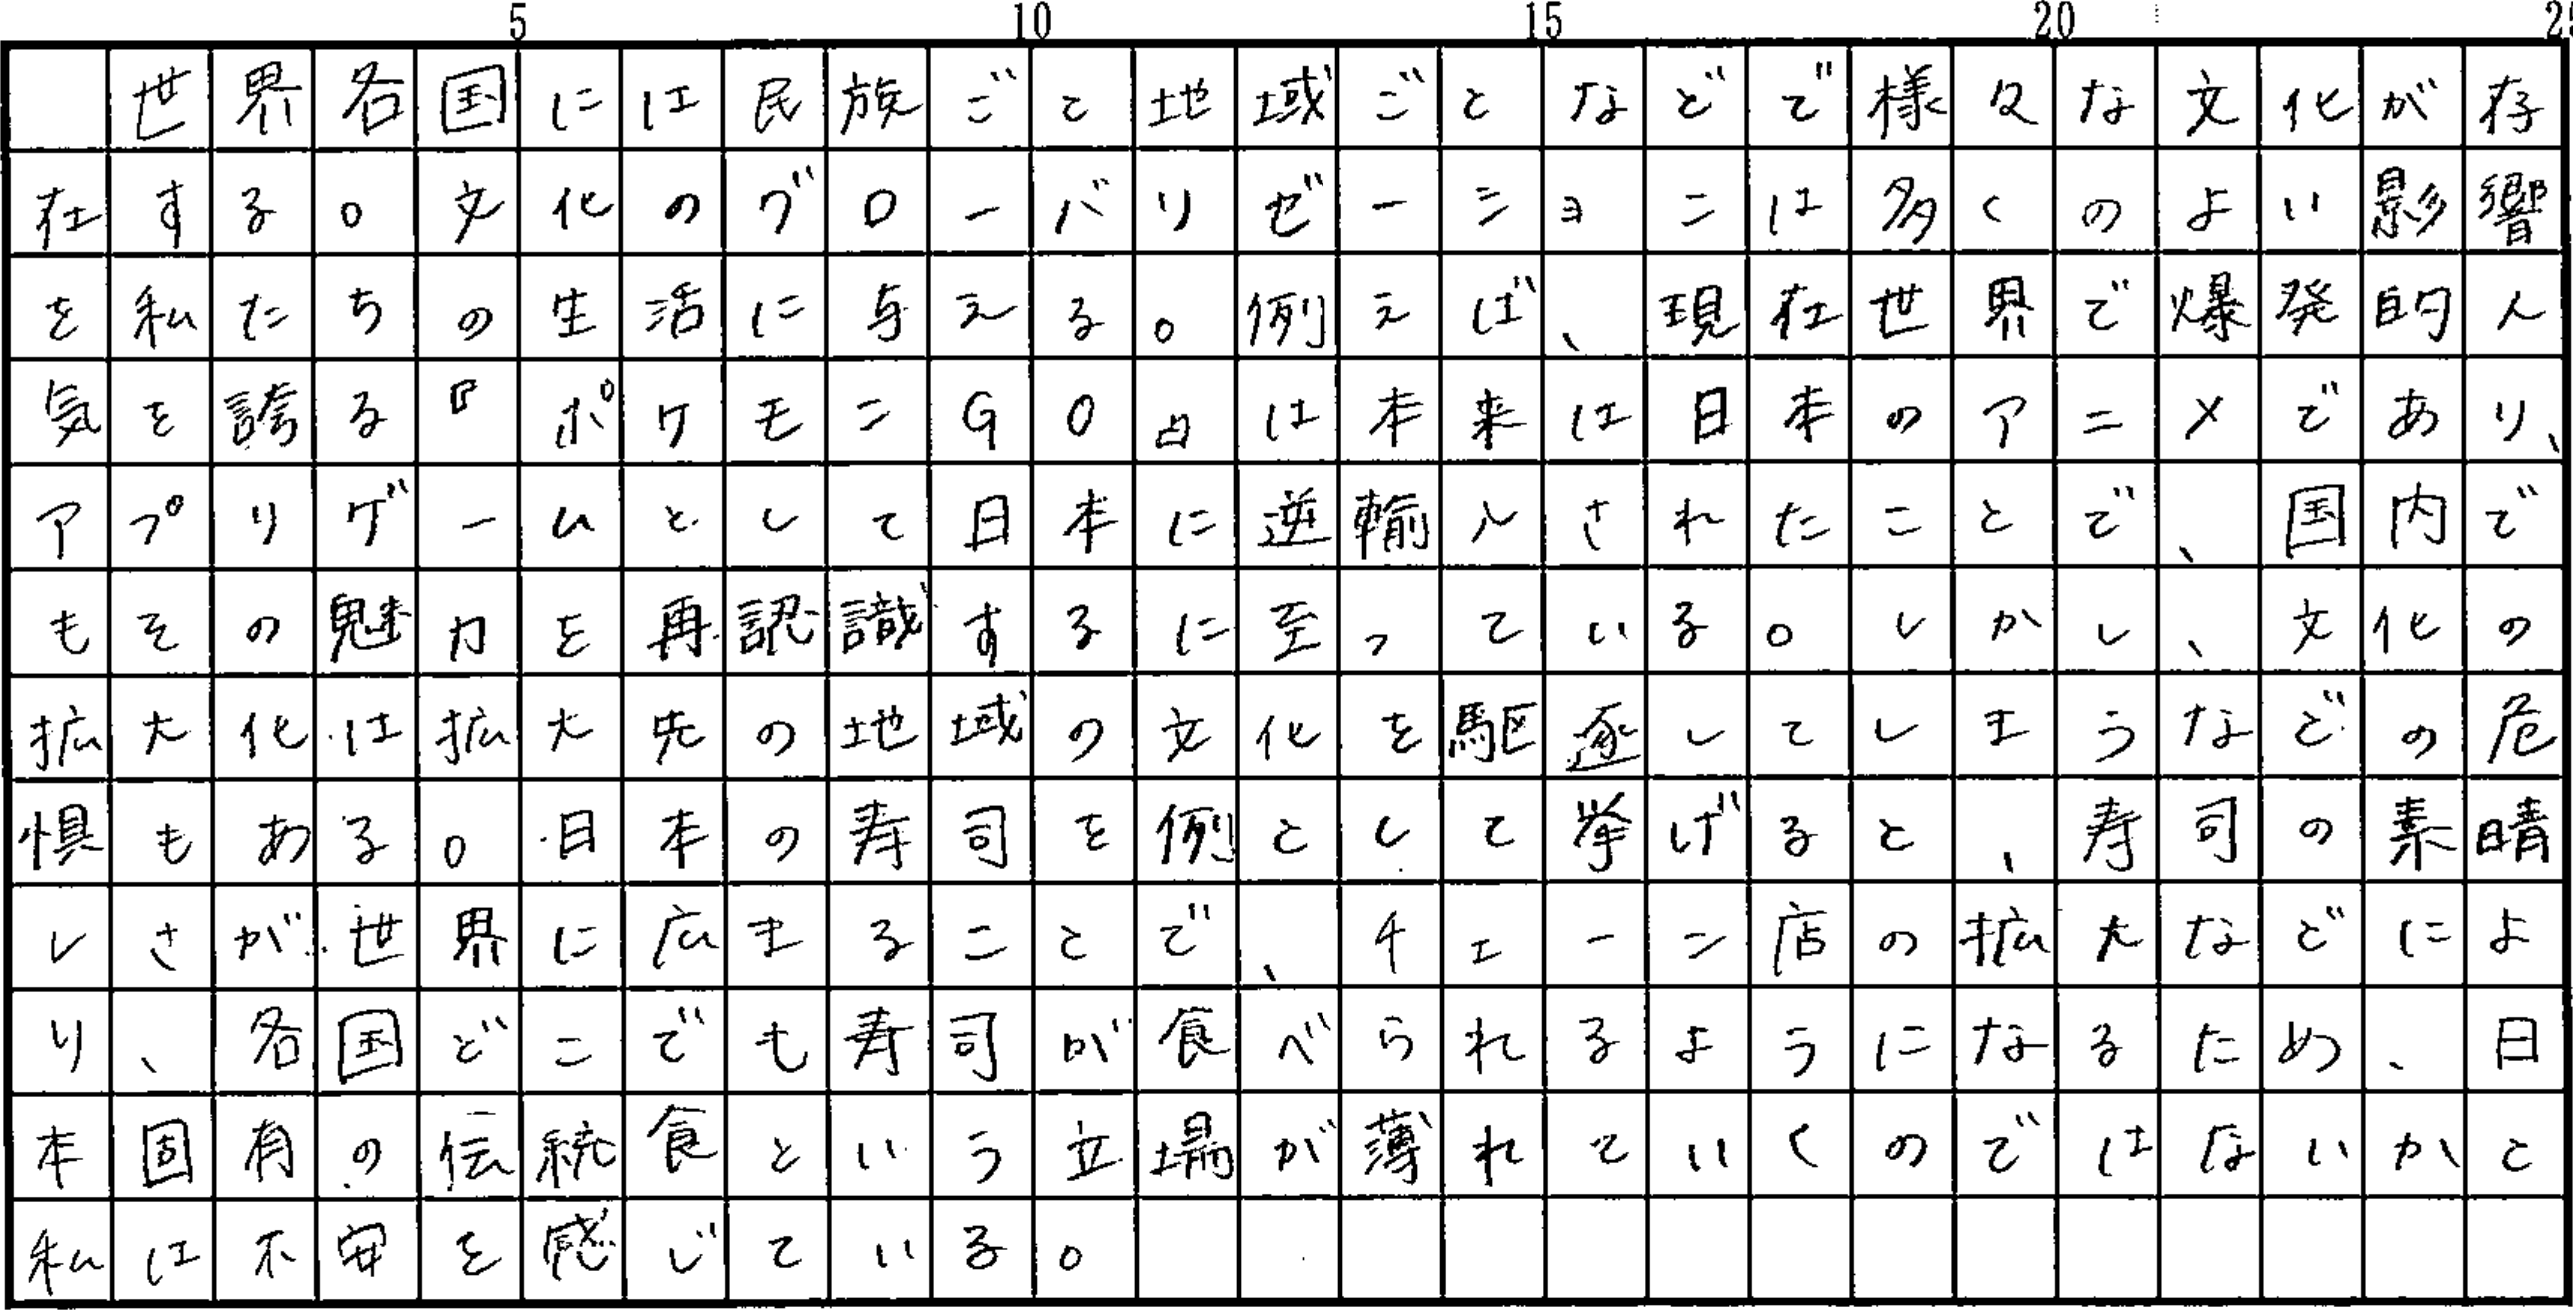　世界各国には民族ごと地域ごとなどで様々な文化が存在する。文化のグローバリゼーションは多くのよい影響を私たちの生活に与える。例えば、現在世界で爆発的人気を誇る『ポケモンG O 』は本来は日本のアニメであり、アプリゲームとして日本に逆輸入されたことで、国内でもその魅力を再認識するに至っている。しかし、文化の拡大化は拡大先の地域の文化を駆逐してしまうなどの危惧もある。日本の寿司を例として挙げると、寿司の素晴しさが世界中に広まることで、チェーン店の拡大などにより、各国どこでも寿司が食べられるようになるため、日本固有の伝統食という立場が薄れていくのではないかと私は不安を感じている。
